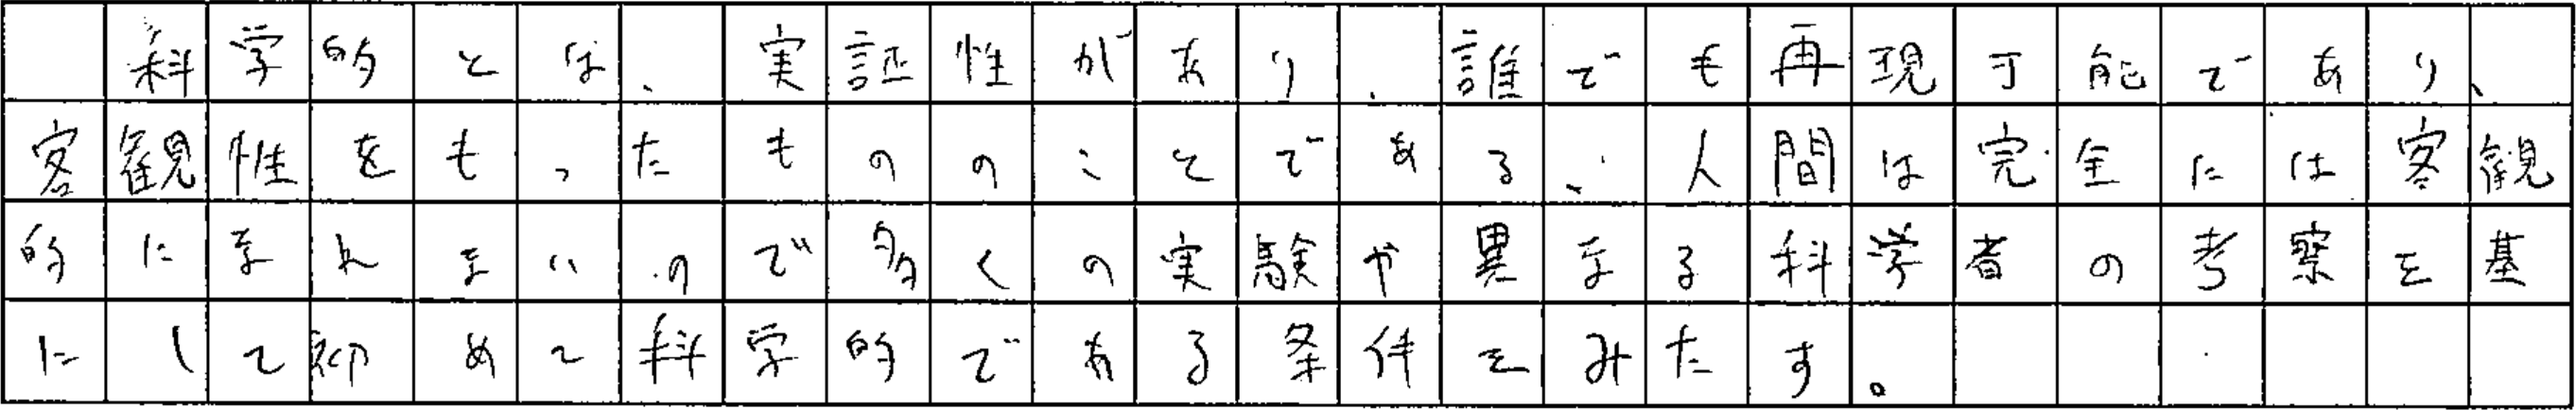　科学的とは、実証性があり、誰でも再現可能であり、客観性をもったもののことである。人間は完全には客観的になれないので多くの実験や異なる科学者の考察を基にして初めて科学的である条件をみたす。
